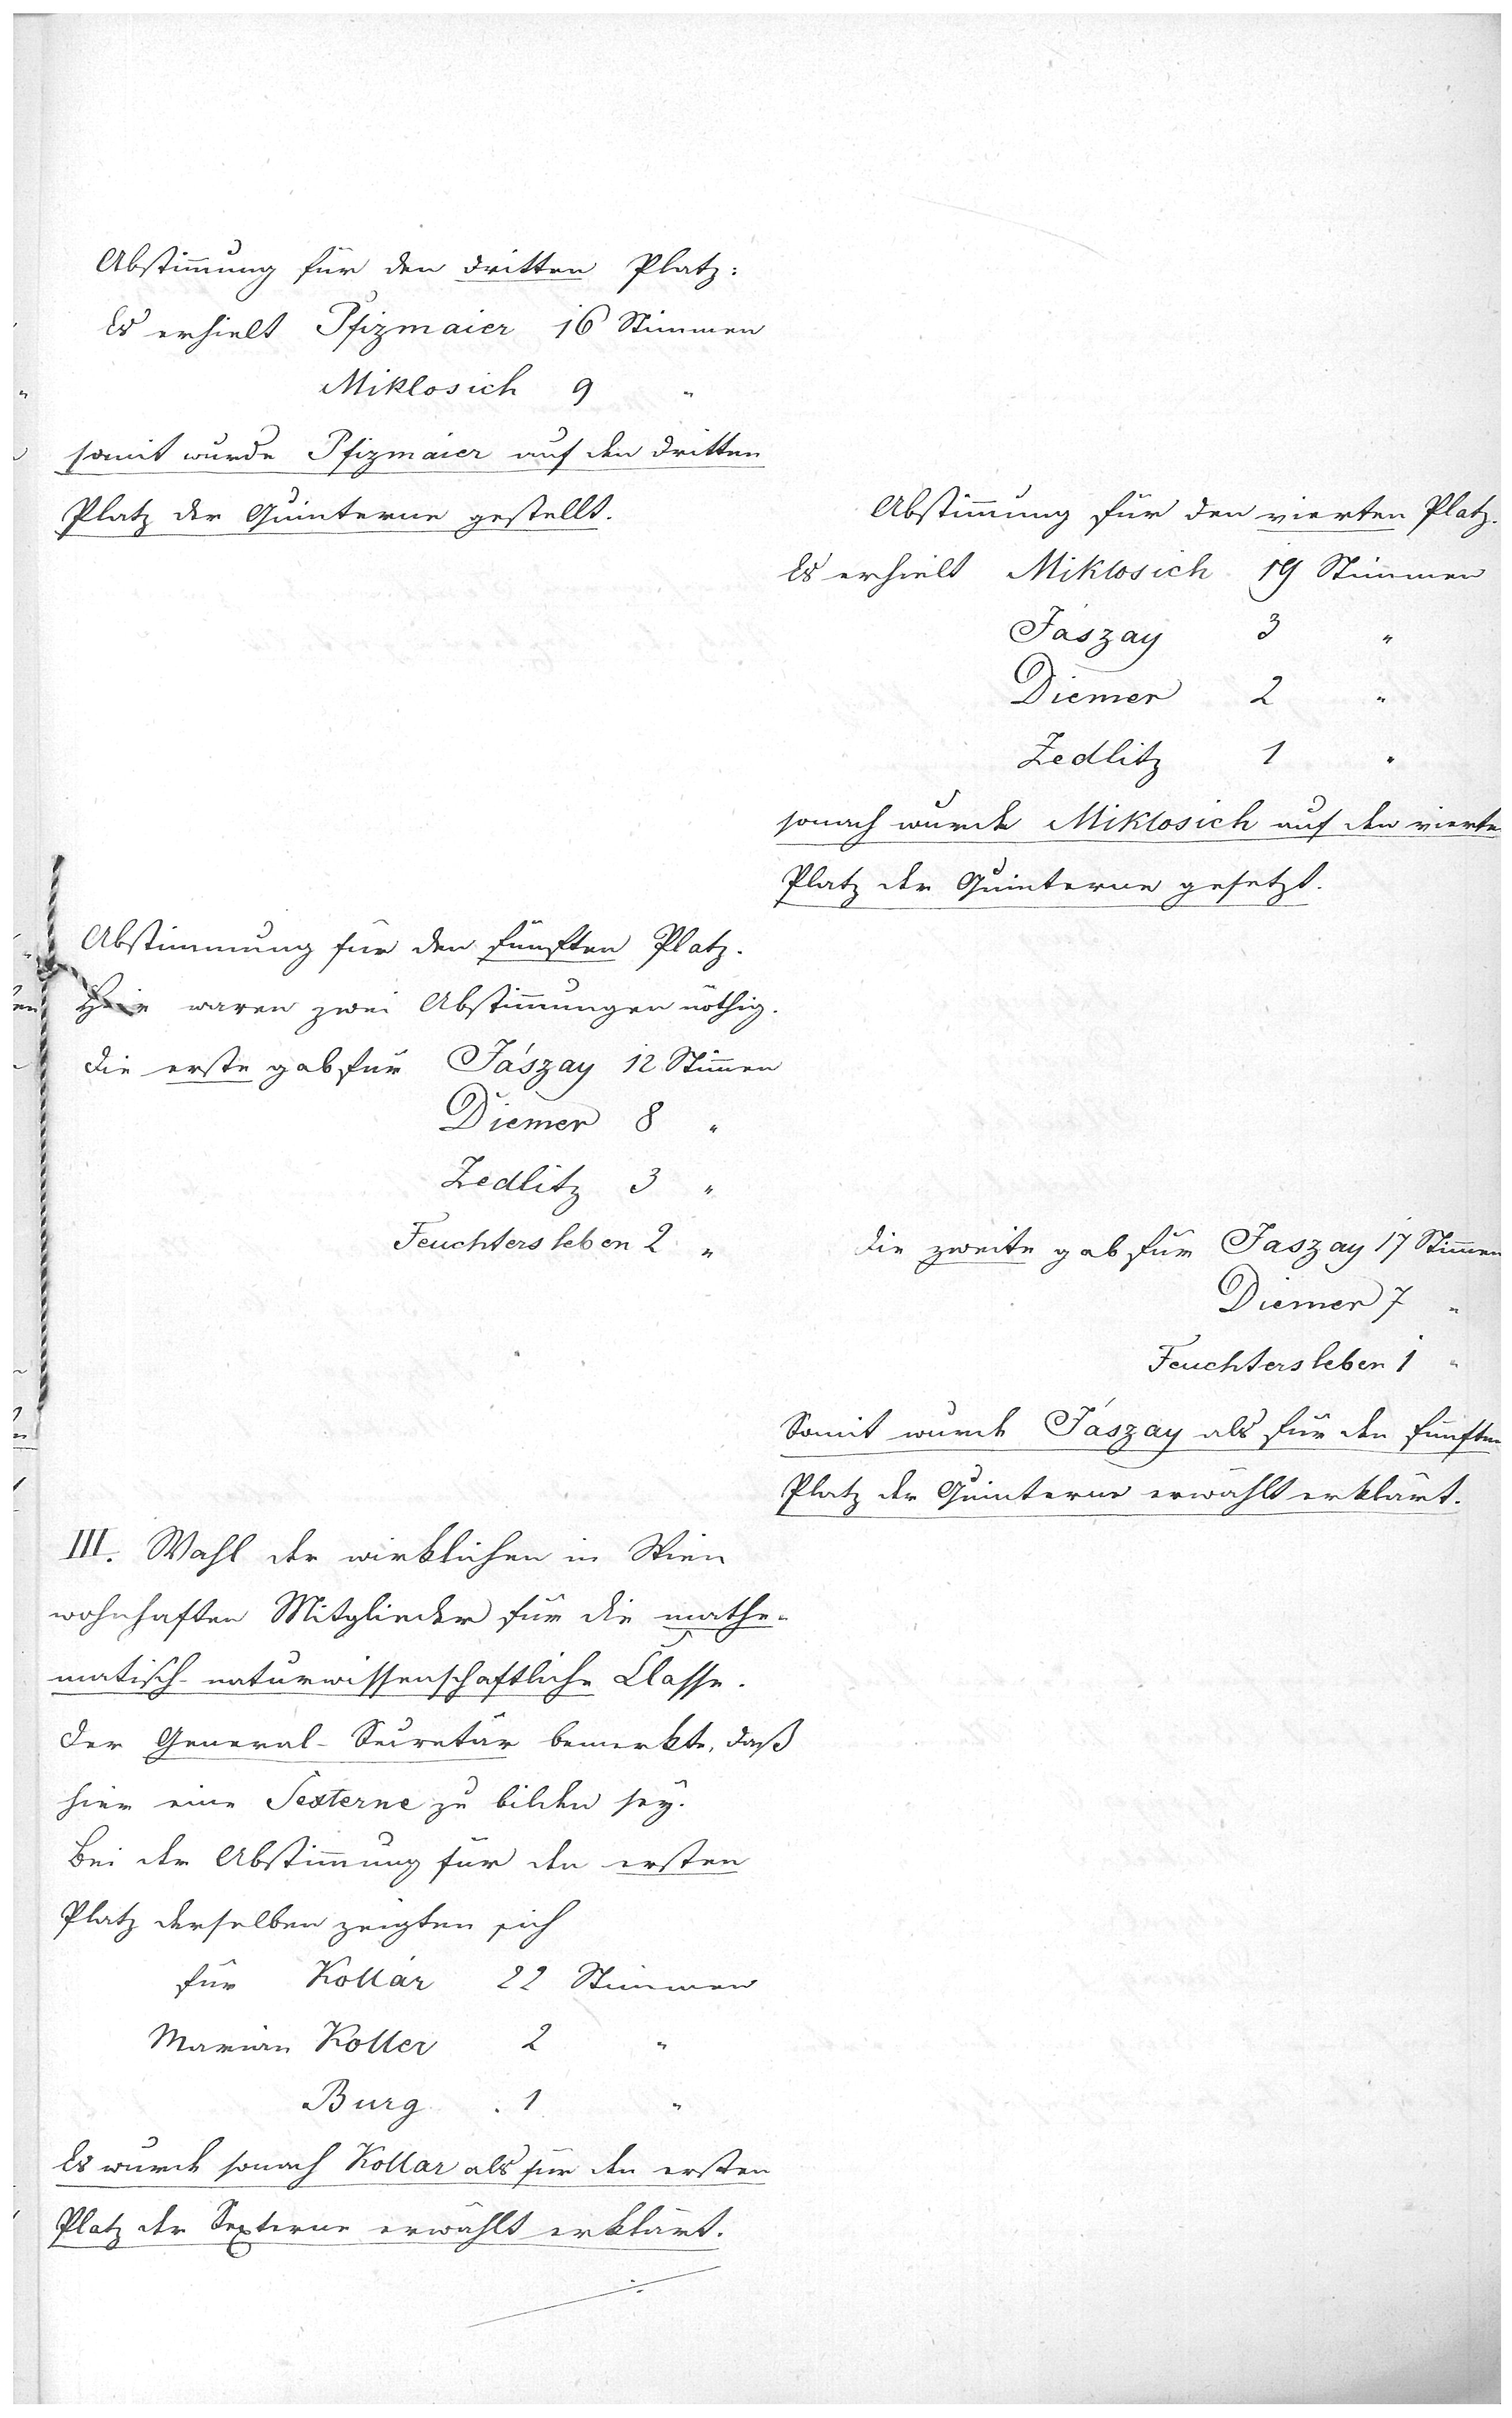Abstimmung für den dritten Platz:
Es erhielt Ptizmaier 16 Stimmen
Mikolsich 9 "
somit wurden Pfizmaier auf den dritten
Platz der Quinterne gestellt.
Abstimmugn für den vierten Platz.
Es erhielt Miklosich 19 Stimmen
Jászay 3 "
Diemer 2 "
Zedlitz 1 "
sonach wurde Mikolsich auf den vierte
Platz der Quinterne gesetzt.
Abstimmung für den fünften Platz.
Hier waren zwei Abstimmungen nöthig.
Die erste gab für Jászay 12 Stimmen
Diemer 8 "
Zedlitz 3 "
Feuchtersleben 2 "
Die zweite gab für Jaszy 17 Stimmen
Diemer 7 "
Feuchtersleben 1 "
Smit wurde Jászy als für den fünften
Platz der Quinterne erwählt erklärt.
III. Wahl der wirklichen in Wien
wohnhaften Mitglieder für die mathe-
matisch-naturwissenschaftliche Classe.
Der General-Secretär bemerkt, daß
hier eine Sexterne zu bilden sey.
Bei der Abstimmung für den ersten
Platz derselben zeigten sich
für Kollar 22 Stimmen
Marian Koller 2 "
Burg 1 "
Es wurde sonach Kollar als für den ersten
Platz der Sexterne erwählt erklärt.